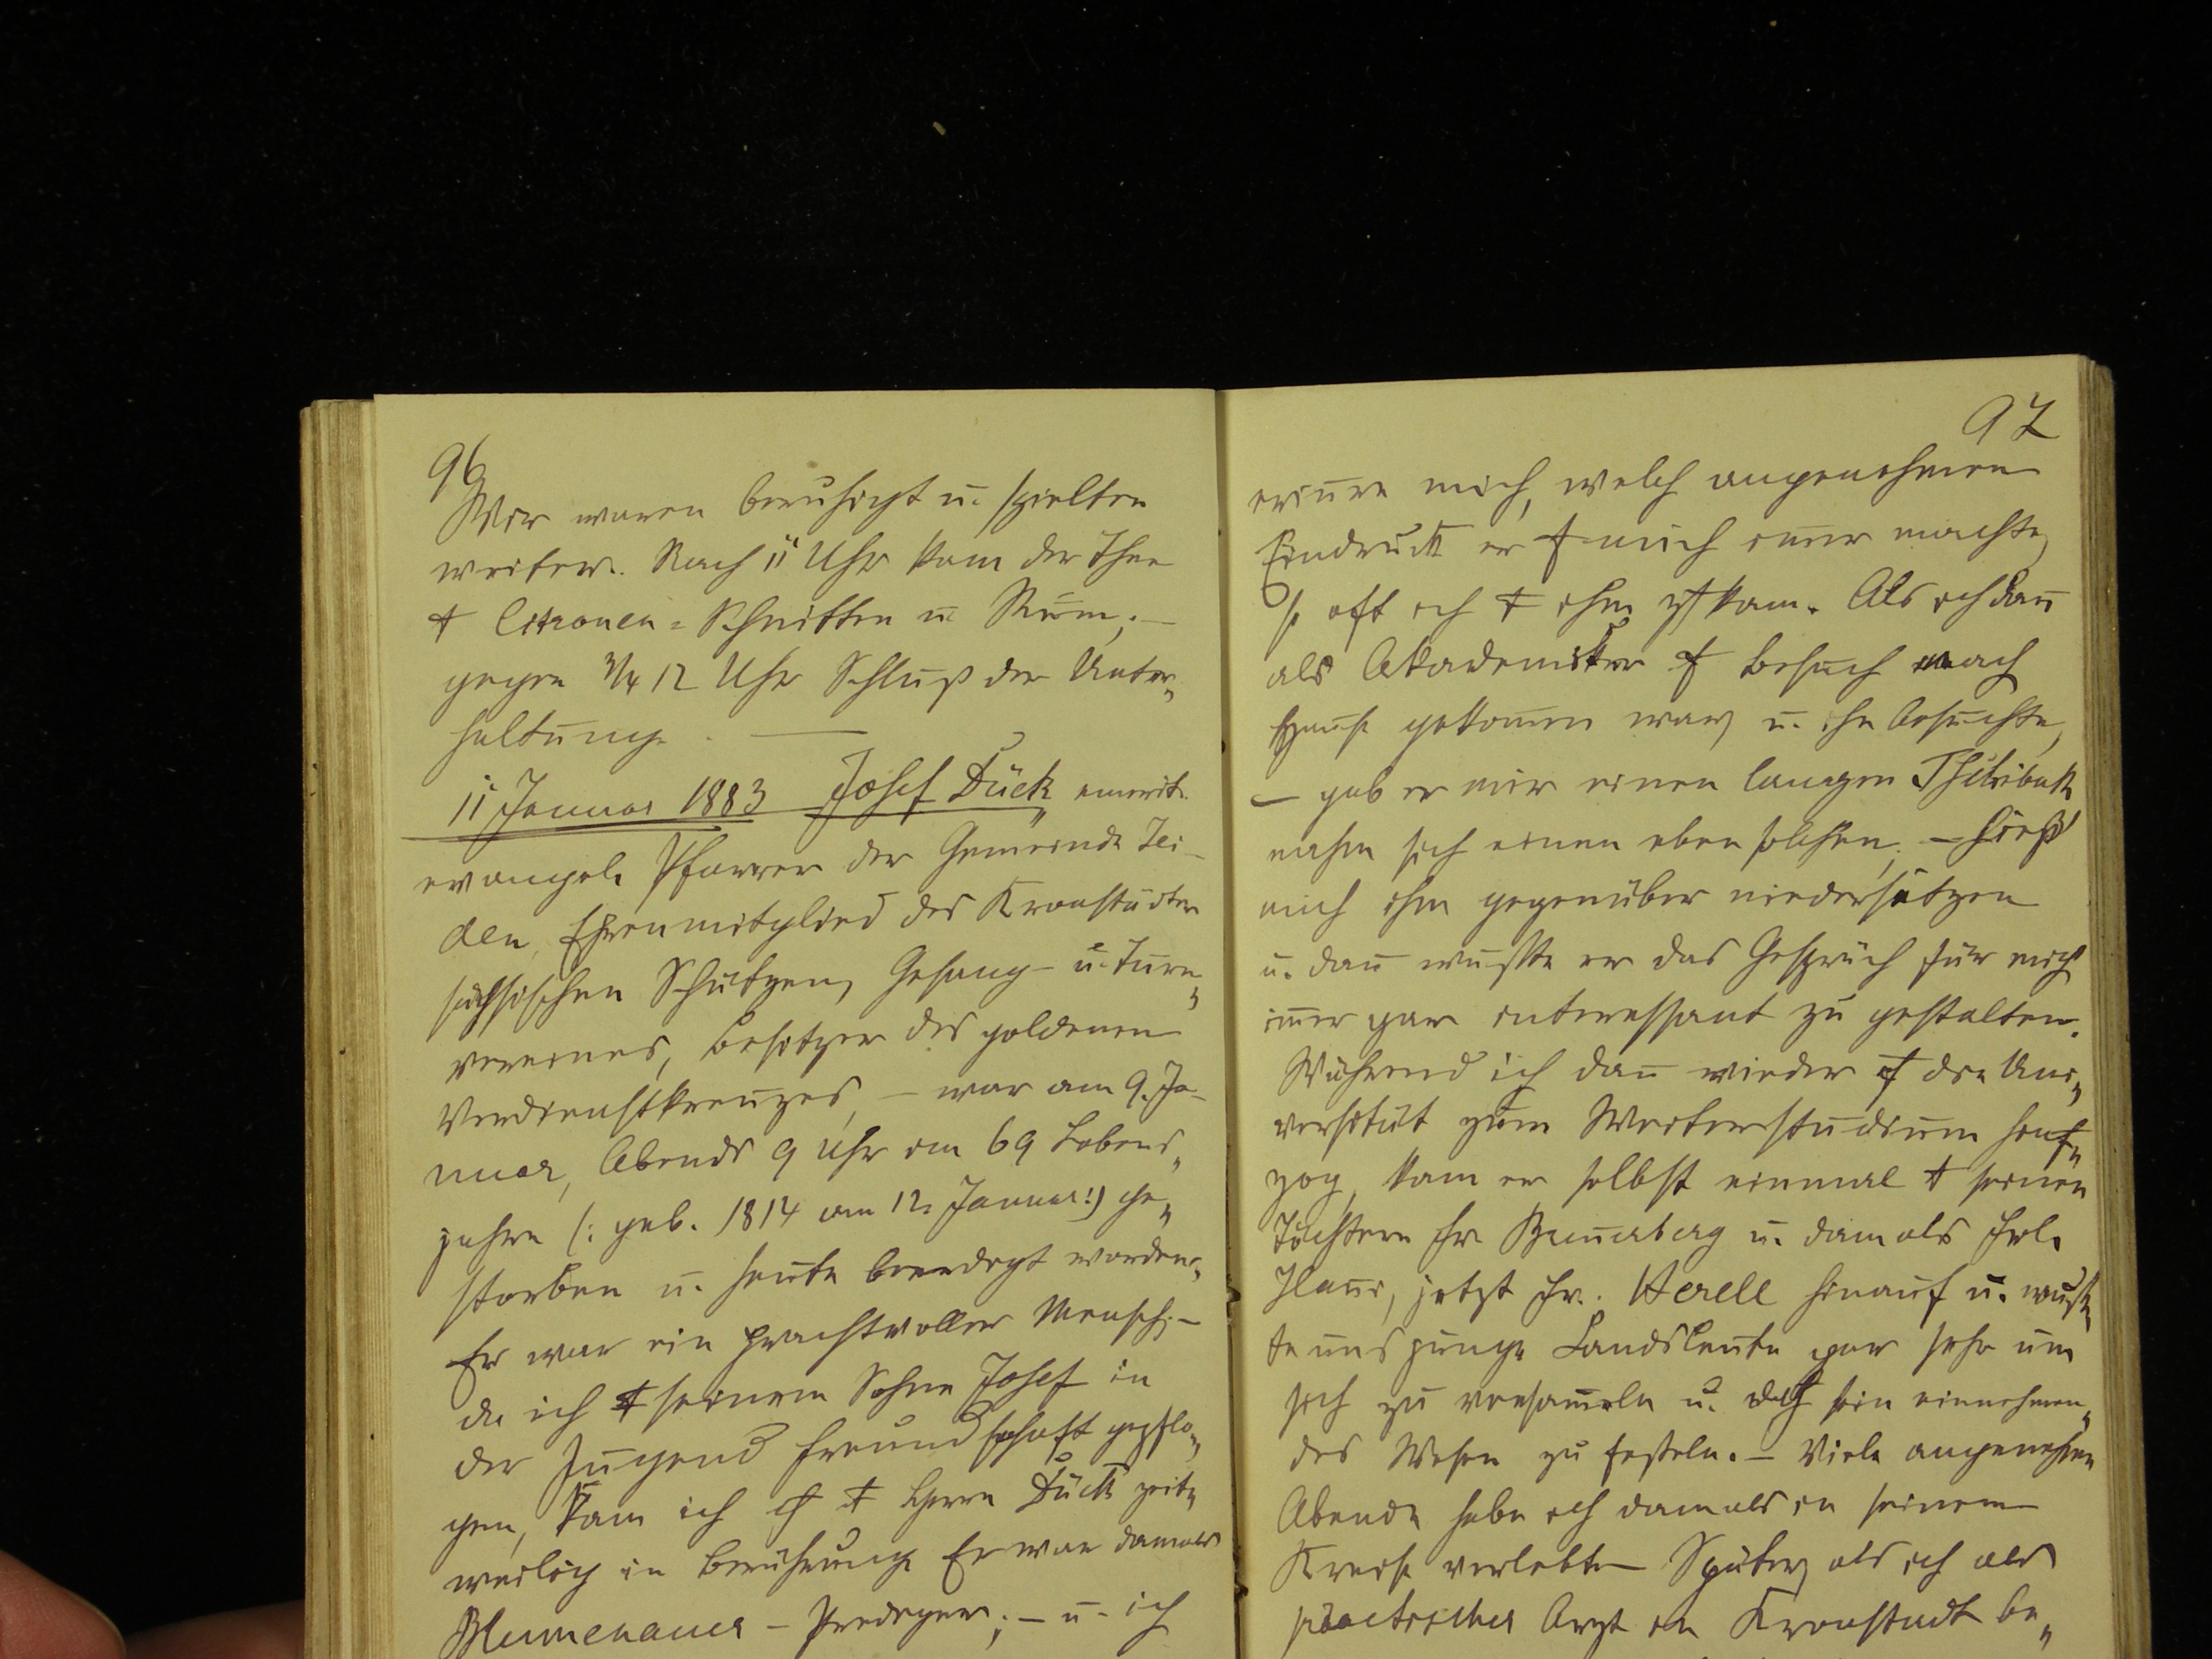96
wir waren beruhigt und spielten
weiter. Nach 11 Uhr kam der Thee
mit Citronenen =Schnitten und Rum;-
gegen ¾ 12 Uhr Schluss der Unter¬
haltung.
11. Januar 1883 Josef Dück . Emeritierter
evangelischer Pfarrer der Gemeinde Zei¬
den, Ehrenmitglied der Kronstädter
sächsischen Schützen, Gesang- und Turn¬
verein, Besitzer des goldenen
Verdienstkreuzes,- war am 9. Ja¬
nuar, Abends 9 Uhr im 69 Lebens¬
jahr ( geb: 1814 am 12 Januar ! ) ge¬
storben und heute beerdigt worden.
Er war ein prachtvoller Mensch,-
Da ich mit seinem Sohn Josef in
der Jugend Freundschaft gepflo¬
gen, kam ich auch mit Hern Dück zeit¬
weilig in Berührung. Er war damals
Blumenauer Prediger,- und ich
97
erinnere mich, welch angenehmen
Eindruck er auf mich machte
so oft ich mit ihm zusammenkam. Als ich dann
als Akademiker auf Besuch nach
Hause gekommen war, und ihn besuchte
- gab er mir einen langen ?ThetBaK?
nahm sich einen ebensolchen ,-hieß
mich ihm gegenüber niedersitzen
und dann wußte er das Gespräch für mich
immer gar interessant zu gestalten.
Während ich dann wieder auf die Uni¬
versität zum Weiterstudium fort¬
zog, kam er selbst einmal mit seinen
Töchtern Fr. Brennerberg und damals Frl.
Hanni., jetzt Fr. Herell hinauf und wuß¬
te uns junge Landsleute gar sehr um
sich zu versammeln und durch sein einnehmen¬
des Wesen zu feßeln. Viele angenehme
Abende habe ich damals in seinem
Kreis verlebt. Später als ich als
praktischer Arzt in Kronstadt be